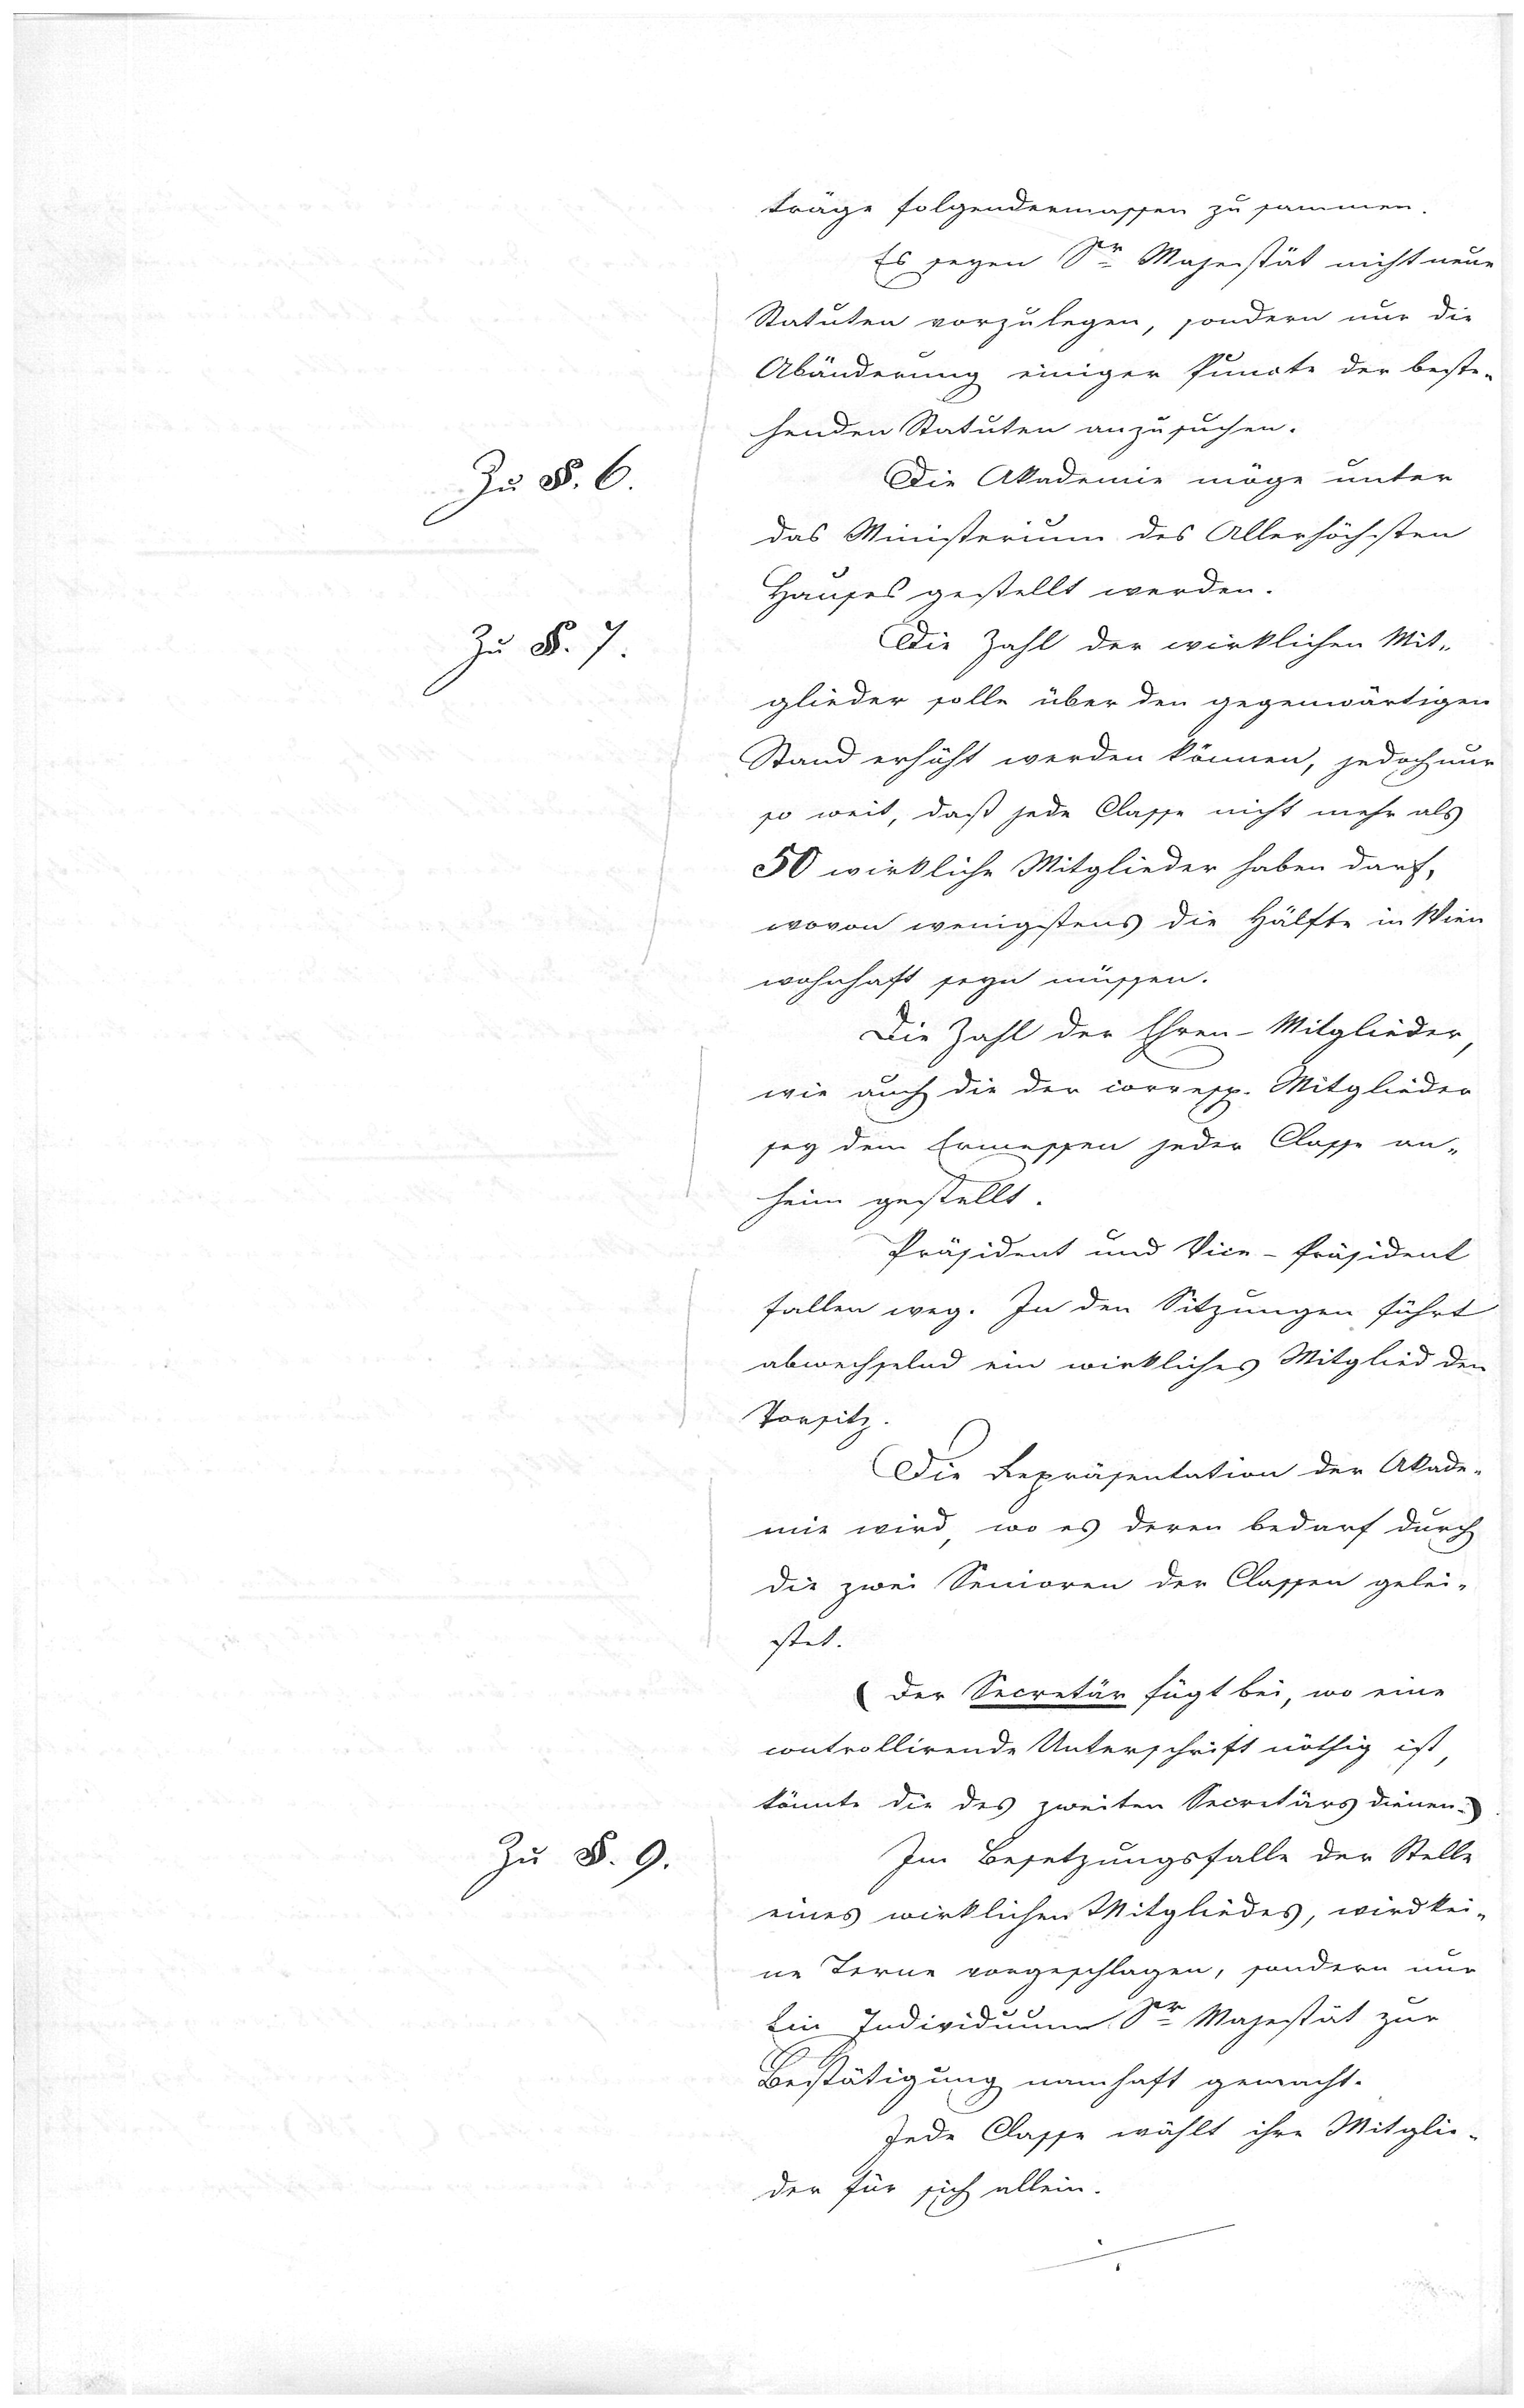träge folgendermassen zusammen.
Es seyen Sr Majestät nicht neue
Statuten vorzulegen, sondern nur die
Abänderung einiger Puncte der beste-
henden Statuten anzusuchen.
Zu §. 6.
Die Akademie möge unter
das Ministerum des Allerhöchsten
Hauses gestellt werden.
Zu §. 7.
Die Zahl der wirklichen Mit-
glieder solle über den gegenwärtigen
Stand erhöht werden können, jedoch nur
so weit, daß jede Classe nicht mehr als
50 wirkliche Mitglieder haben darf,
wovon wenigstens die Hälfte in Wien
wohnhaft seyn müssen.
Die Zahl der Ehren-Mitglieder,
wie auch die der corresp. Mitglieder
sey dem Ermessen jeder Classe an-
heim gestellt.
Präsident und Vice-Präsident
fallen weg. In den Sitzungen führt
abwechselnd ein wirkliches Mitglied den
Vorsitz.
Die Repräsentation der Akade-
mie wird, wo es deren bedarf durch
die zwei Senioren der Classen gelei-
stet.
(Der Secretär fügt bei, wo eine
controllirende Unterschrift nöthig ist,
könnte die des zweiten Secretärs dienen.)
Zu §. 9.
Im Besetzungsfalle der Stelle
eines wirklichen Mitgliedes, wird kei-
ner Terne vorgeschlagen, sondern nur
ein Individuum Sr Majestät zur
Befähigung namhaft gemacht.
Jede Classe wählt ihre Mitglie-
der für sich allein.